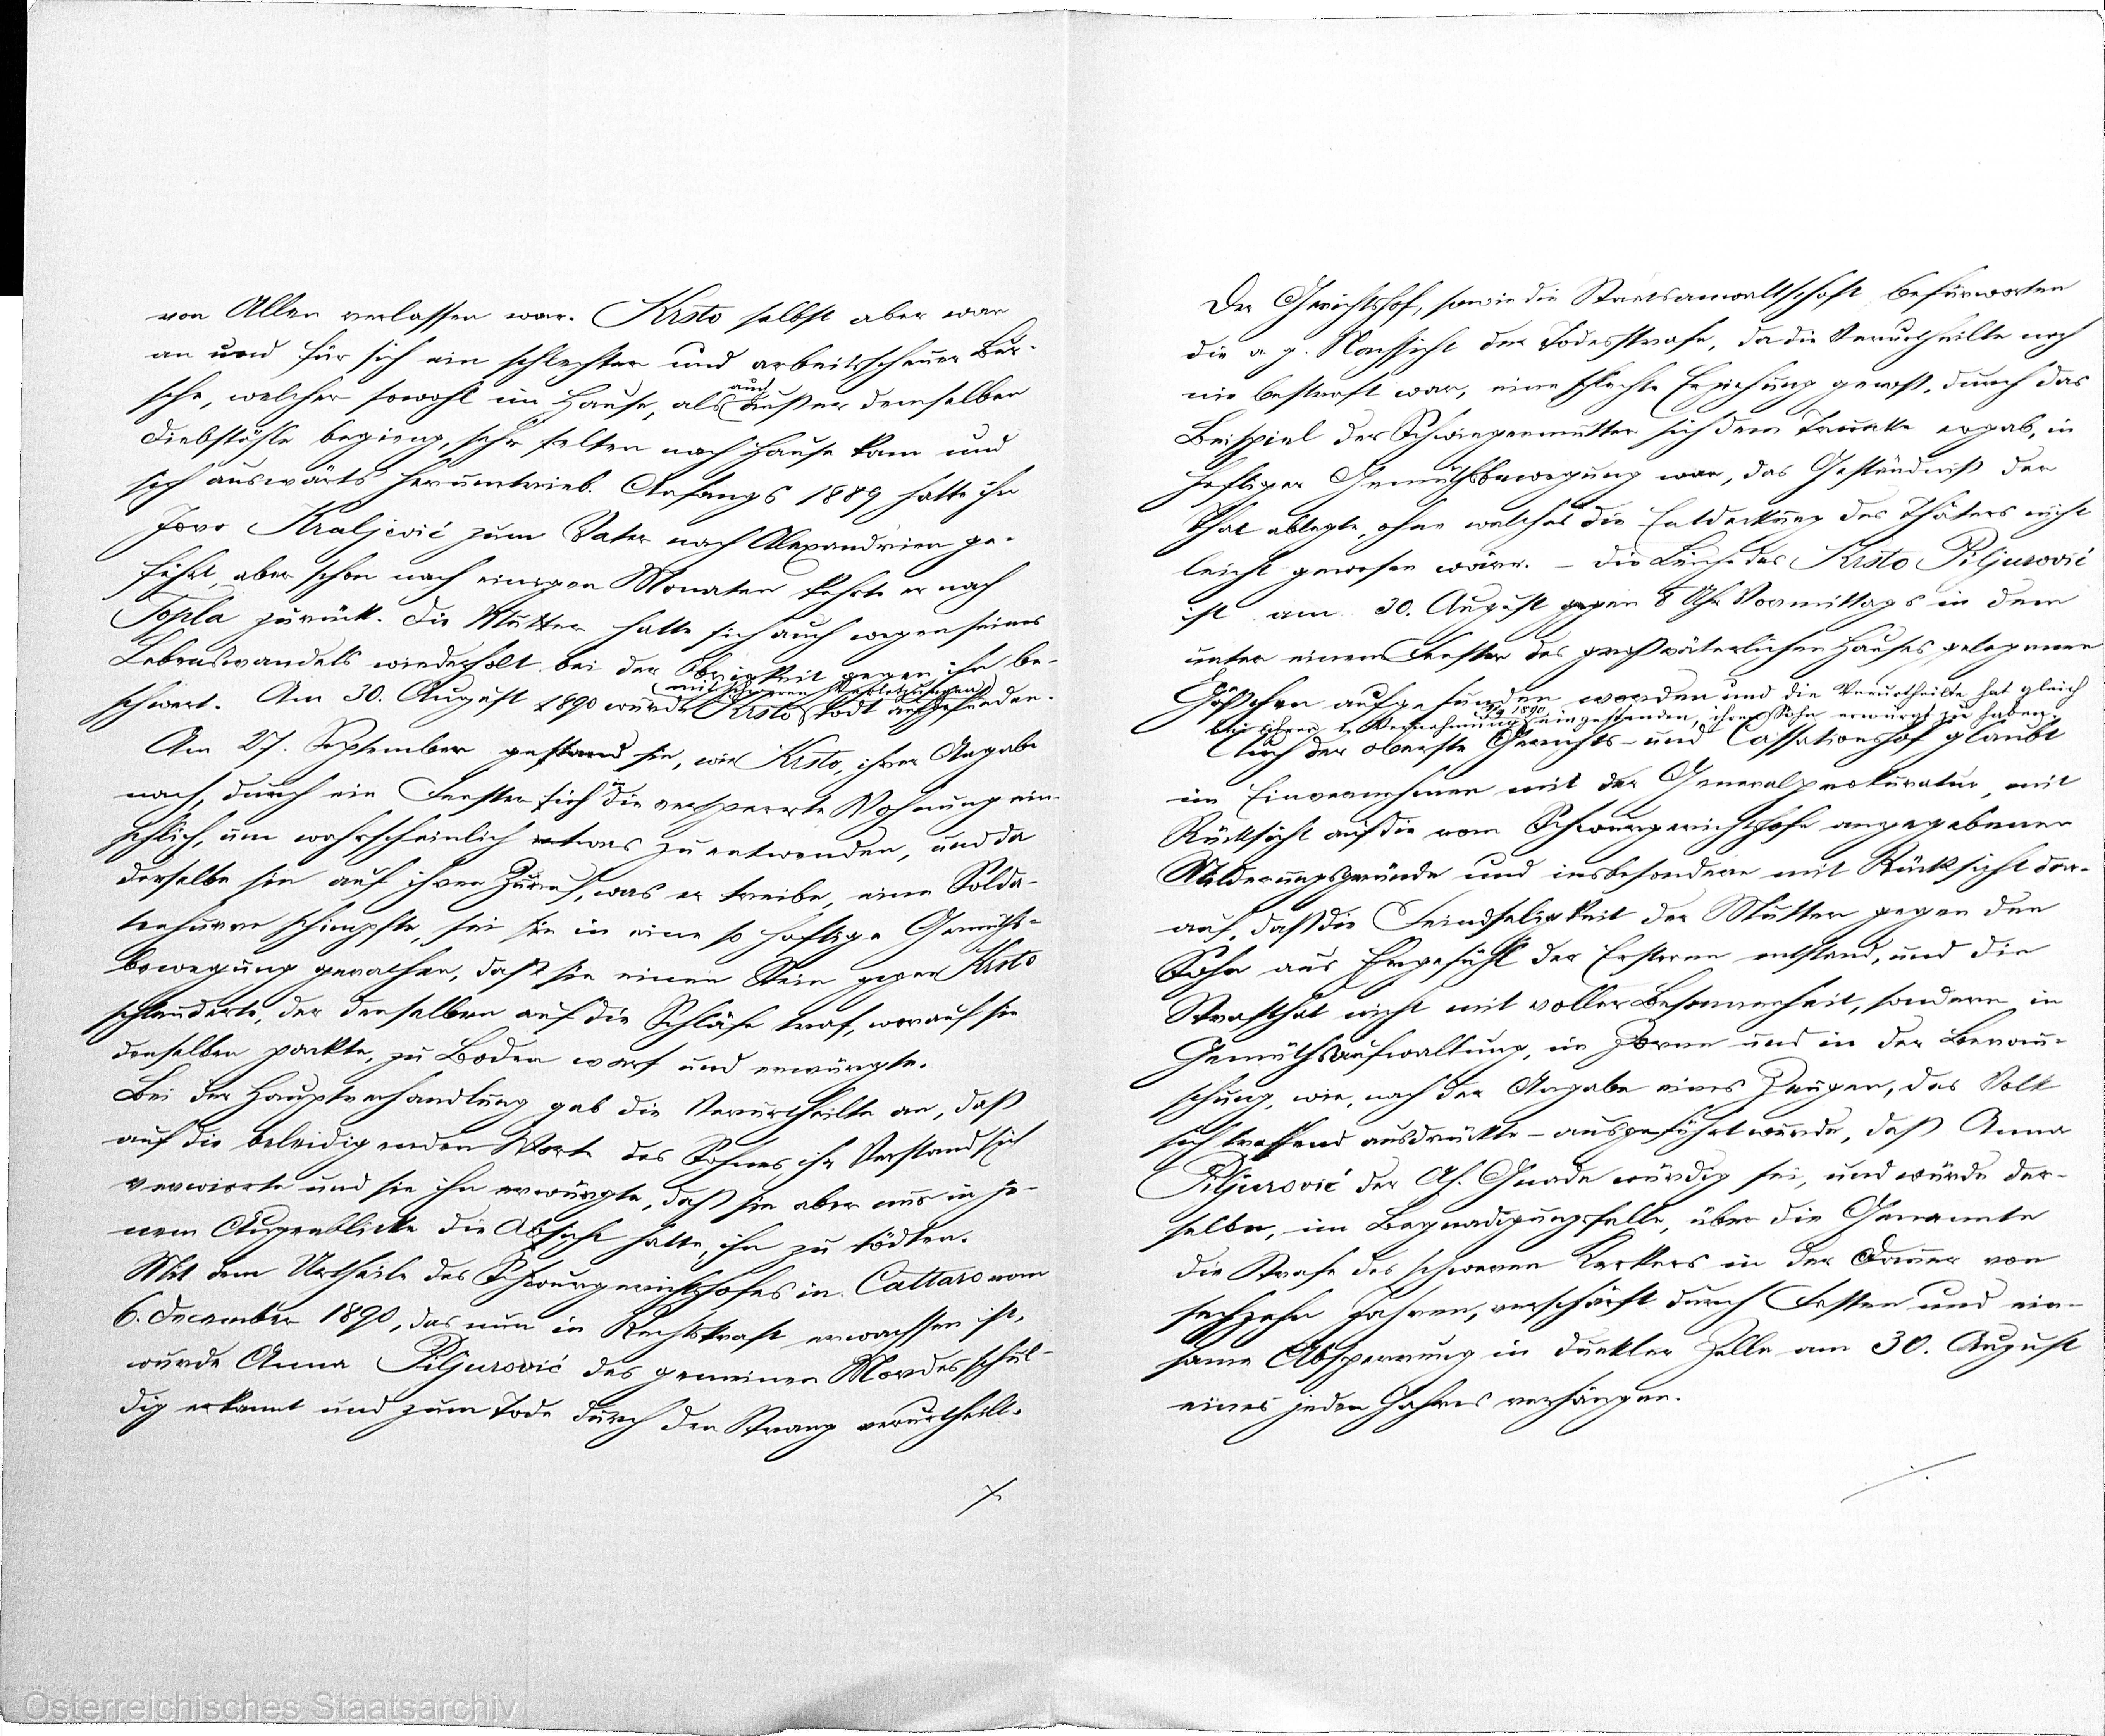von Allen verlassen war. Krsto selbst aber war
an und für sich ein schlechter und arbeitsscheuer Bur¬
auch
sche, welcher sowohl im Hause, als außer demselben
Diebstähle beging, sehr selten nach Hause kam und
sich auswärts herumtrieb. Anfangs 1889 hatte ihn
Jova Kraljević zum Vater nach Alexandrien ge¬
führt, aber schon nach einigen Monaten kehrte er nach
Topla zurück. Die Mutter hatte sich auch wegen seines
Lebenswandels wiederholt bei der Obrigkeit gegen ihn be¬
mit schweren Verletzungen
schwert. Am 30. August 1890 wurde Krsto todt aufgefunden.
Am 27. September gestand sie, wie Kristo, ihrer Angaben
nach, durch ein Fenster sich die versperrte Wohnung ein¬
schlich, um wahrscheinlich etwas zu entwenden, und da
derselbe sie auf irer Zuruf, was er treibe, eine Solda¬
tenhure schimpfte, sei sie in eine so heftige Gemuths¬
bewegung gerathen, daß sie einen Stein gegen Krsto
schleuderte, der denselben auf die Schläfe traf, worauf sie
denselben packte, zu Boden worf und erwürgte.
Bei der Hauptverhandlung gab die Verurtheilte an, daß
auf die beleidigenden Worte des Sohnes ihr Verstand sich
verwirrte und sie ihn erwürgte, daß sie aber nur in je¬
nen Augenblicke die Absicht hatte ihn zu tödten.
Mit dem Urtheile des Schwurgerichtshofes in Cattaro vom
6 December 1890, das un in Rechtskraft anwachsen ist,
wurde Anna Piljurović des gemeinen Mordes schul¬
dig erkannt und zum Tode durch den Strang verurtheilt.
Der Gerichtsfhof, sowie die Staatsanwaltschaft befürworten
die a. g. Nachsicht der Todesstrafe, da die Verurtheilte noch
nie bestraft war, eine schlechte Erziehung genoß, durch das
Beispiel der Schwiegermutter sich dem Trunke ergab, in
heftiger Gemuthsbewegung war, das Geständnis der
That ablegte, ohne welches die Entdeckung des Thäters nicht
leicht gewesen wäre. Die Leiche des Krsto Piljurović
ist am 30. August gegen 8 Uhr Vormittags in dem
unter einem Fenster des großväterlichen Hauses gelegenen
Göp[?]hre aufgefunden worden und die Verurtheilte hat gleich
1/9/1890
bei ihrer 1. Vernehmung eingestanden, ihren Sohn erwürgt zu haben.
Auch der oberste Gerichts- und Cassationshof glaubt
im Einvernehmen mit der Generalprokuratur, mit
Rücksicht auf die vom Schwugerichtshofe angegebenen
Milderungsgründe und insbesondere mit Rücksicht dar¬
auf, daß die Feindseligkeit der Mutter gegen den
Sohn aus Ehrgefühl der Ersteren entstand, und die
Strafthat nicht mit voller Besonnenheit, sondern in
Gemüthsaufwaltung, im Zorne und in der Berau¬
schung , wie, nach der Angabe eines Zeugen, das Volk
sich treffend ausdrückte – ausgeführt wurde, daß Anna
Piljurović der Ah Gnade würdig sei, und würde der¬
selbe, im Begnadigungsfalle, über die Genannte
die Strafe des schweren Kerkers in der Dauer von
sechzehn Jahren, verschärft durch Fasten und ein¬
same Absperrung in dunkler Zelle am 30. August
eines jeden Jahres verhängen.